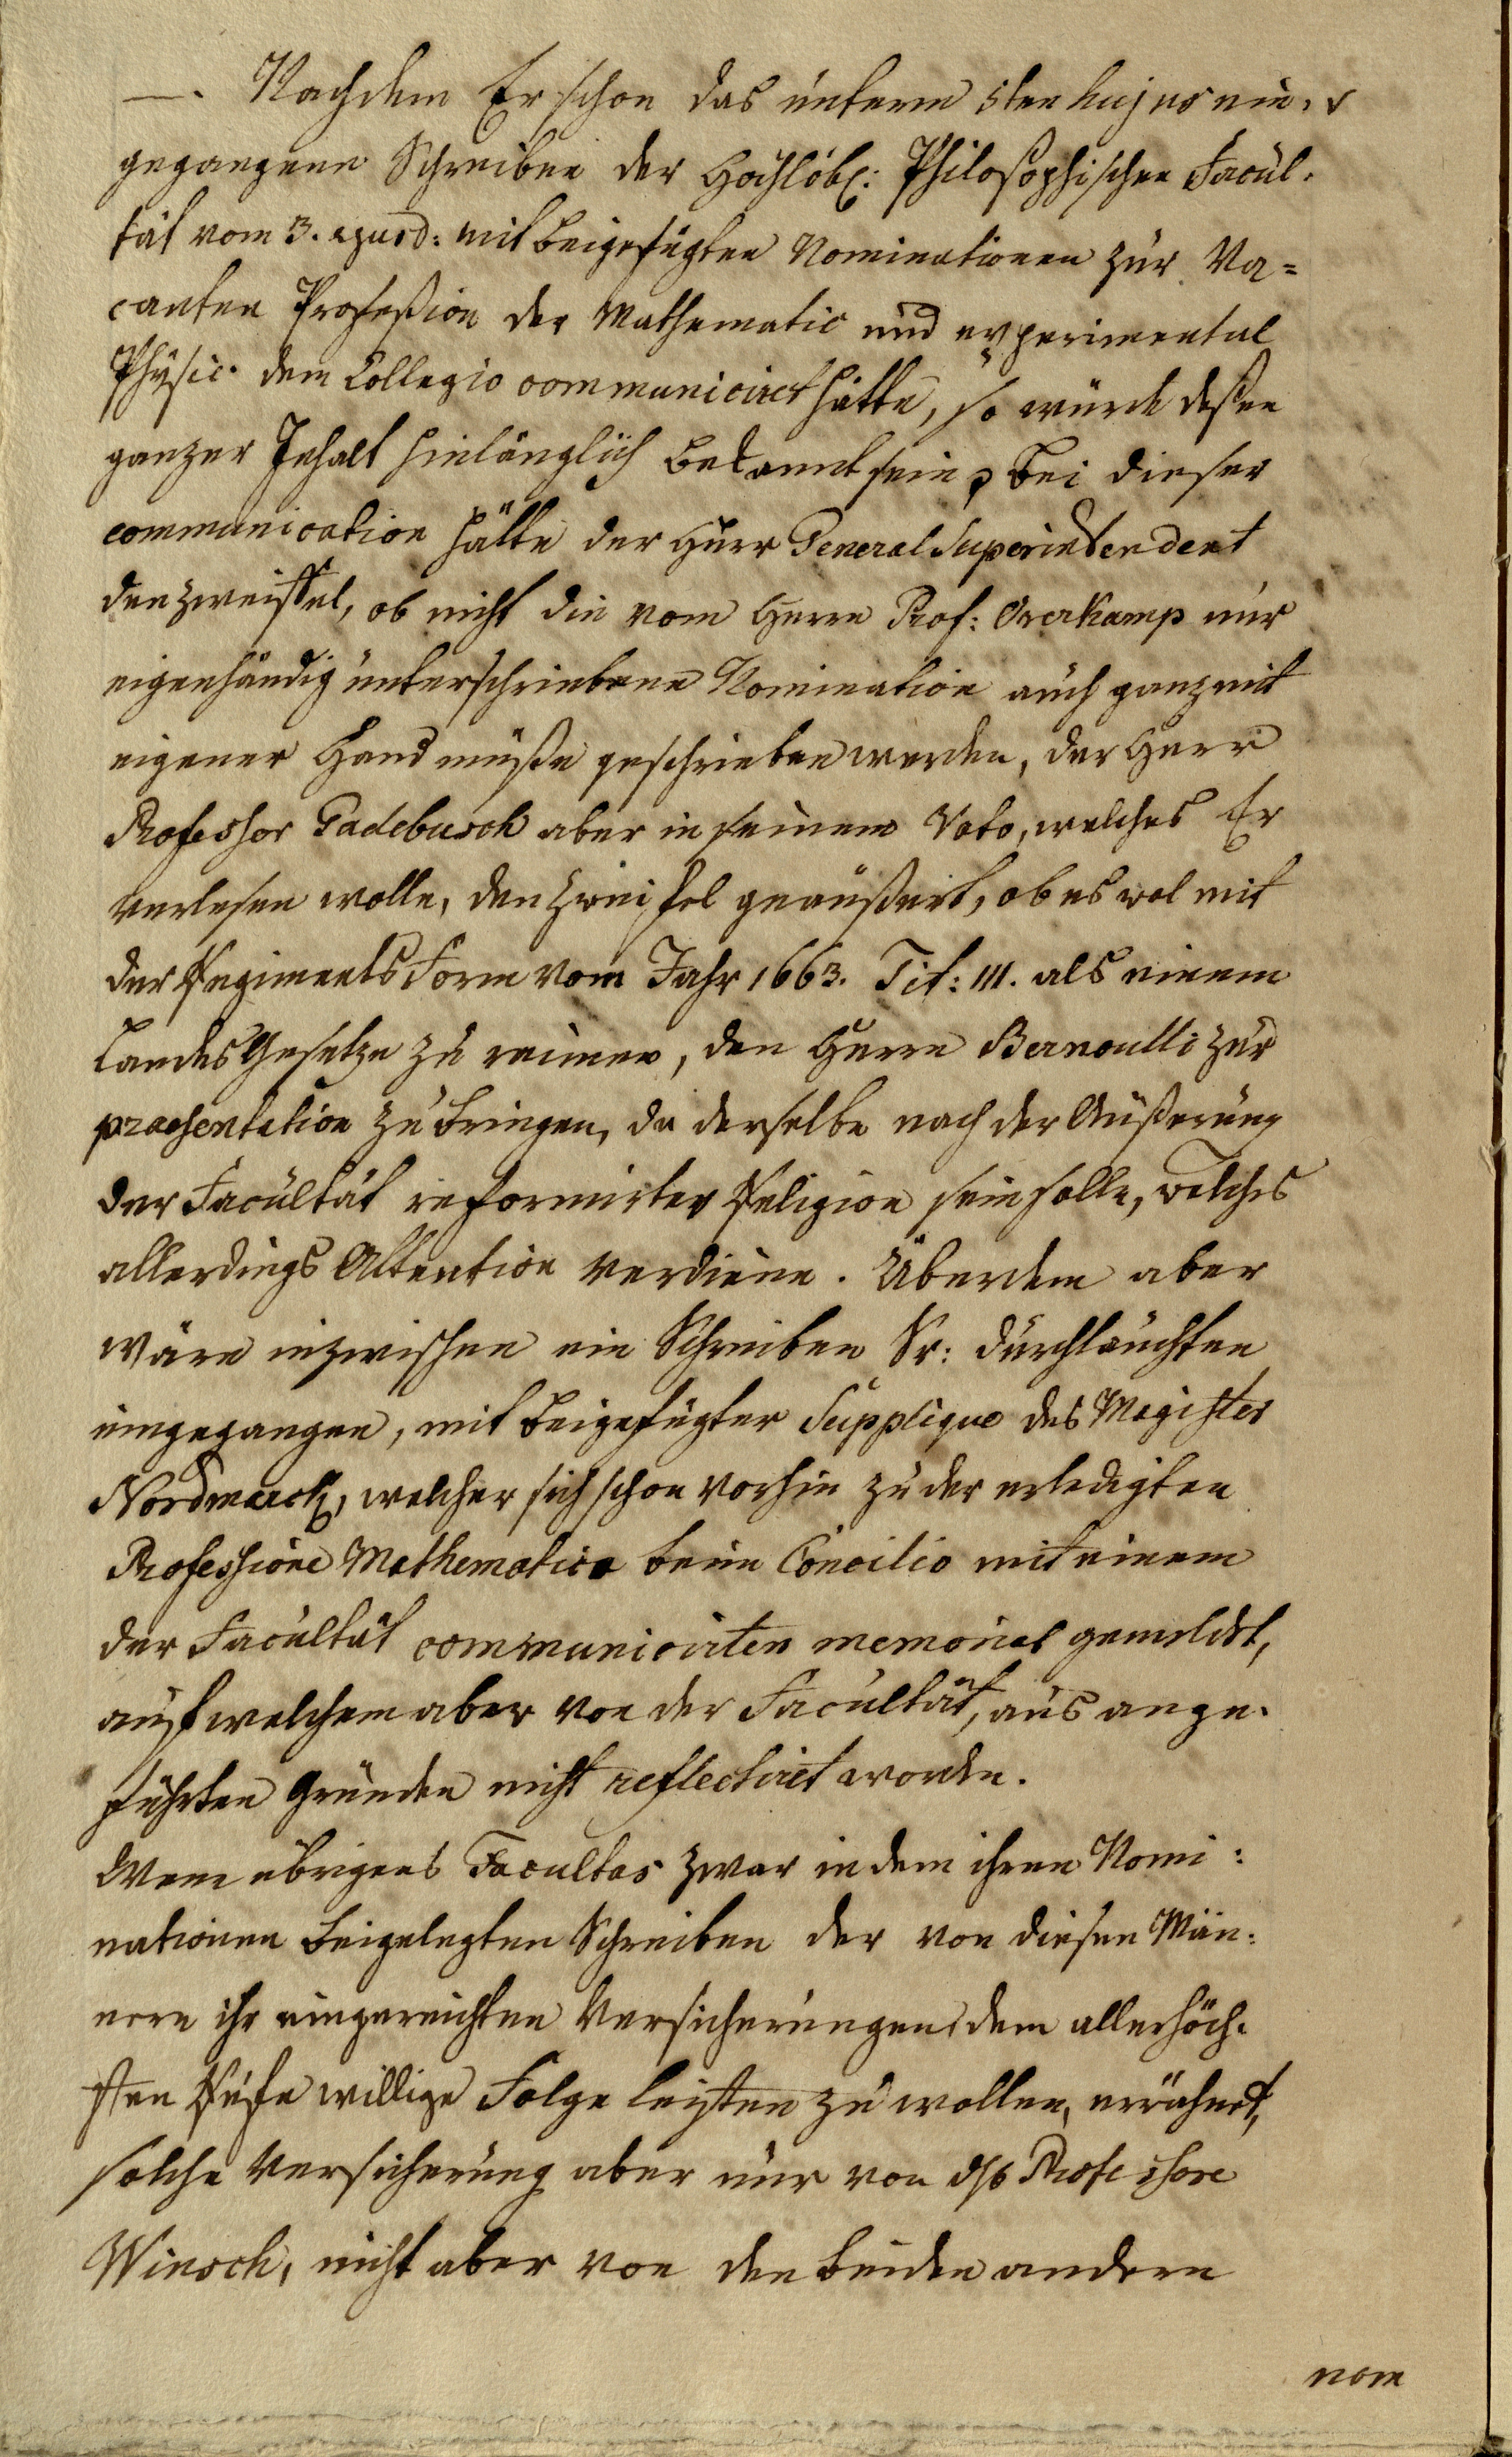Nachdem Er schon das unterm 5 ten hujus ein¬
gegangene Schreiben der Hochlöbl. Philosophischen Facul¬
tät vom 3. ejusd. mit beigefügten Nominationen zur va¬
canten Profeßion der Mathematic und experimental
Phÿsic dem Collegio communiciret hätte, so würde deßen
ganzer Inhalt hinlänglich bekannt sein. Bei dieser
communication hätte der Herr General Superintendent
den Zweifel, ob nicht die vom Herrn Prof. Overkamp nur
eigenhändig unterschriebene Nomination auch ganz mit
eigener Hand müße geschrieben werden, der Herrn
Professor Gadebusch aber in seinem Voto, welches Er
verlesen wolle, den Zweifel geäußert, ob es wol mit
der Regiments Form vom Jahr 1663. Tit. III. als einem
Landes Gesetze zu einen, den Herrn Bernoulli zur
praesentation zu bringen, da derselbe nach der Äußerung
der Facultät reformierter Religion sein solte, welches
allerdings Attention verdiene. Überdem aber
wäre inzwischen ein Schreiben Sr. Durchlauchten
eingegangen, mit beigefügter Supplique des Magister
Nordmarck, welcher sich schon vorhin zu der erledigten
Professione Mathematica beim Concilio mit einem
der Facultät communicirten memorial gemeldet,
auf welchem aber von der Facultät aus ange¬
führten Gründen nicht reflectiret worden.
Wenn übrigens Facultas zwar in dem ihren Nomi¬
nationen beigelegten Schreiben der von diesen Män¬
nern ihr eingereichten Versicherungen, dem allerhöch¬
sten Rufe willige Folge leisten zu wollen, erwähnet,
solche Versicherung aber nur von dh. Professore
Winsch, nicht aber von den beiden andern
nom